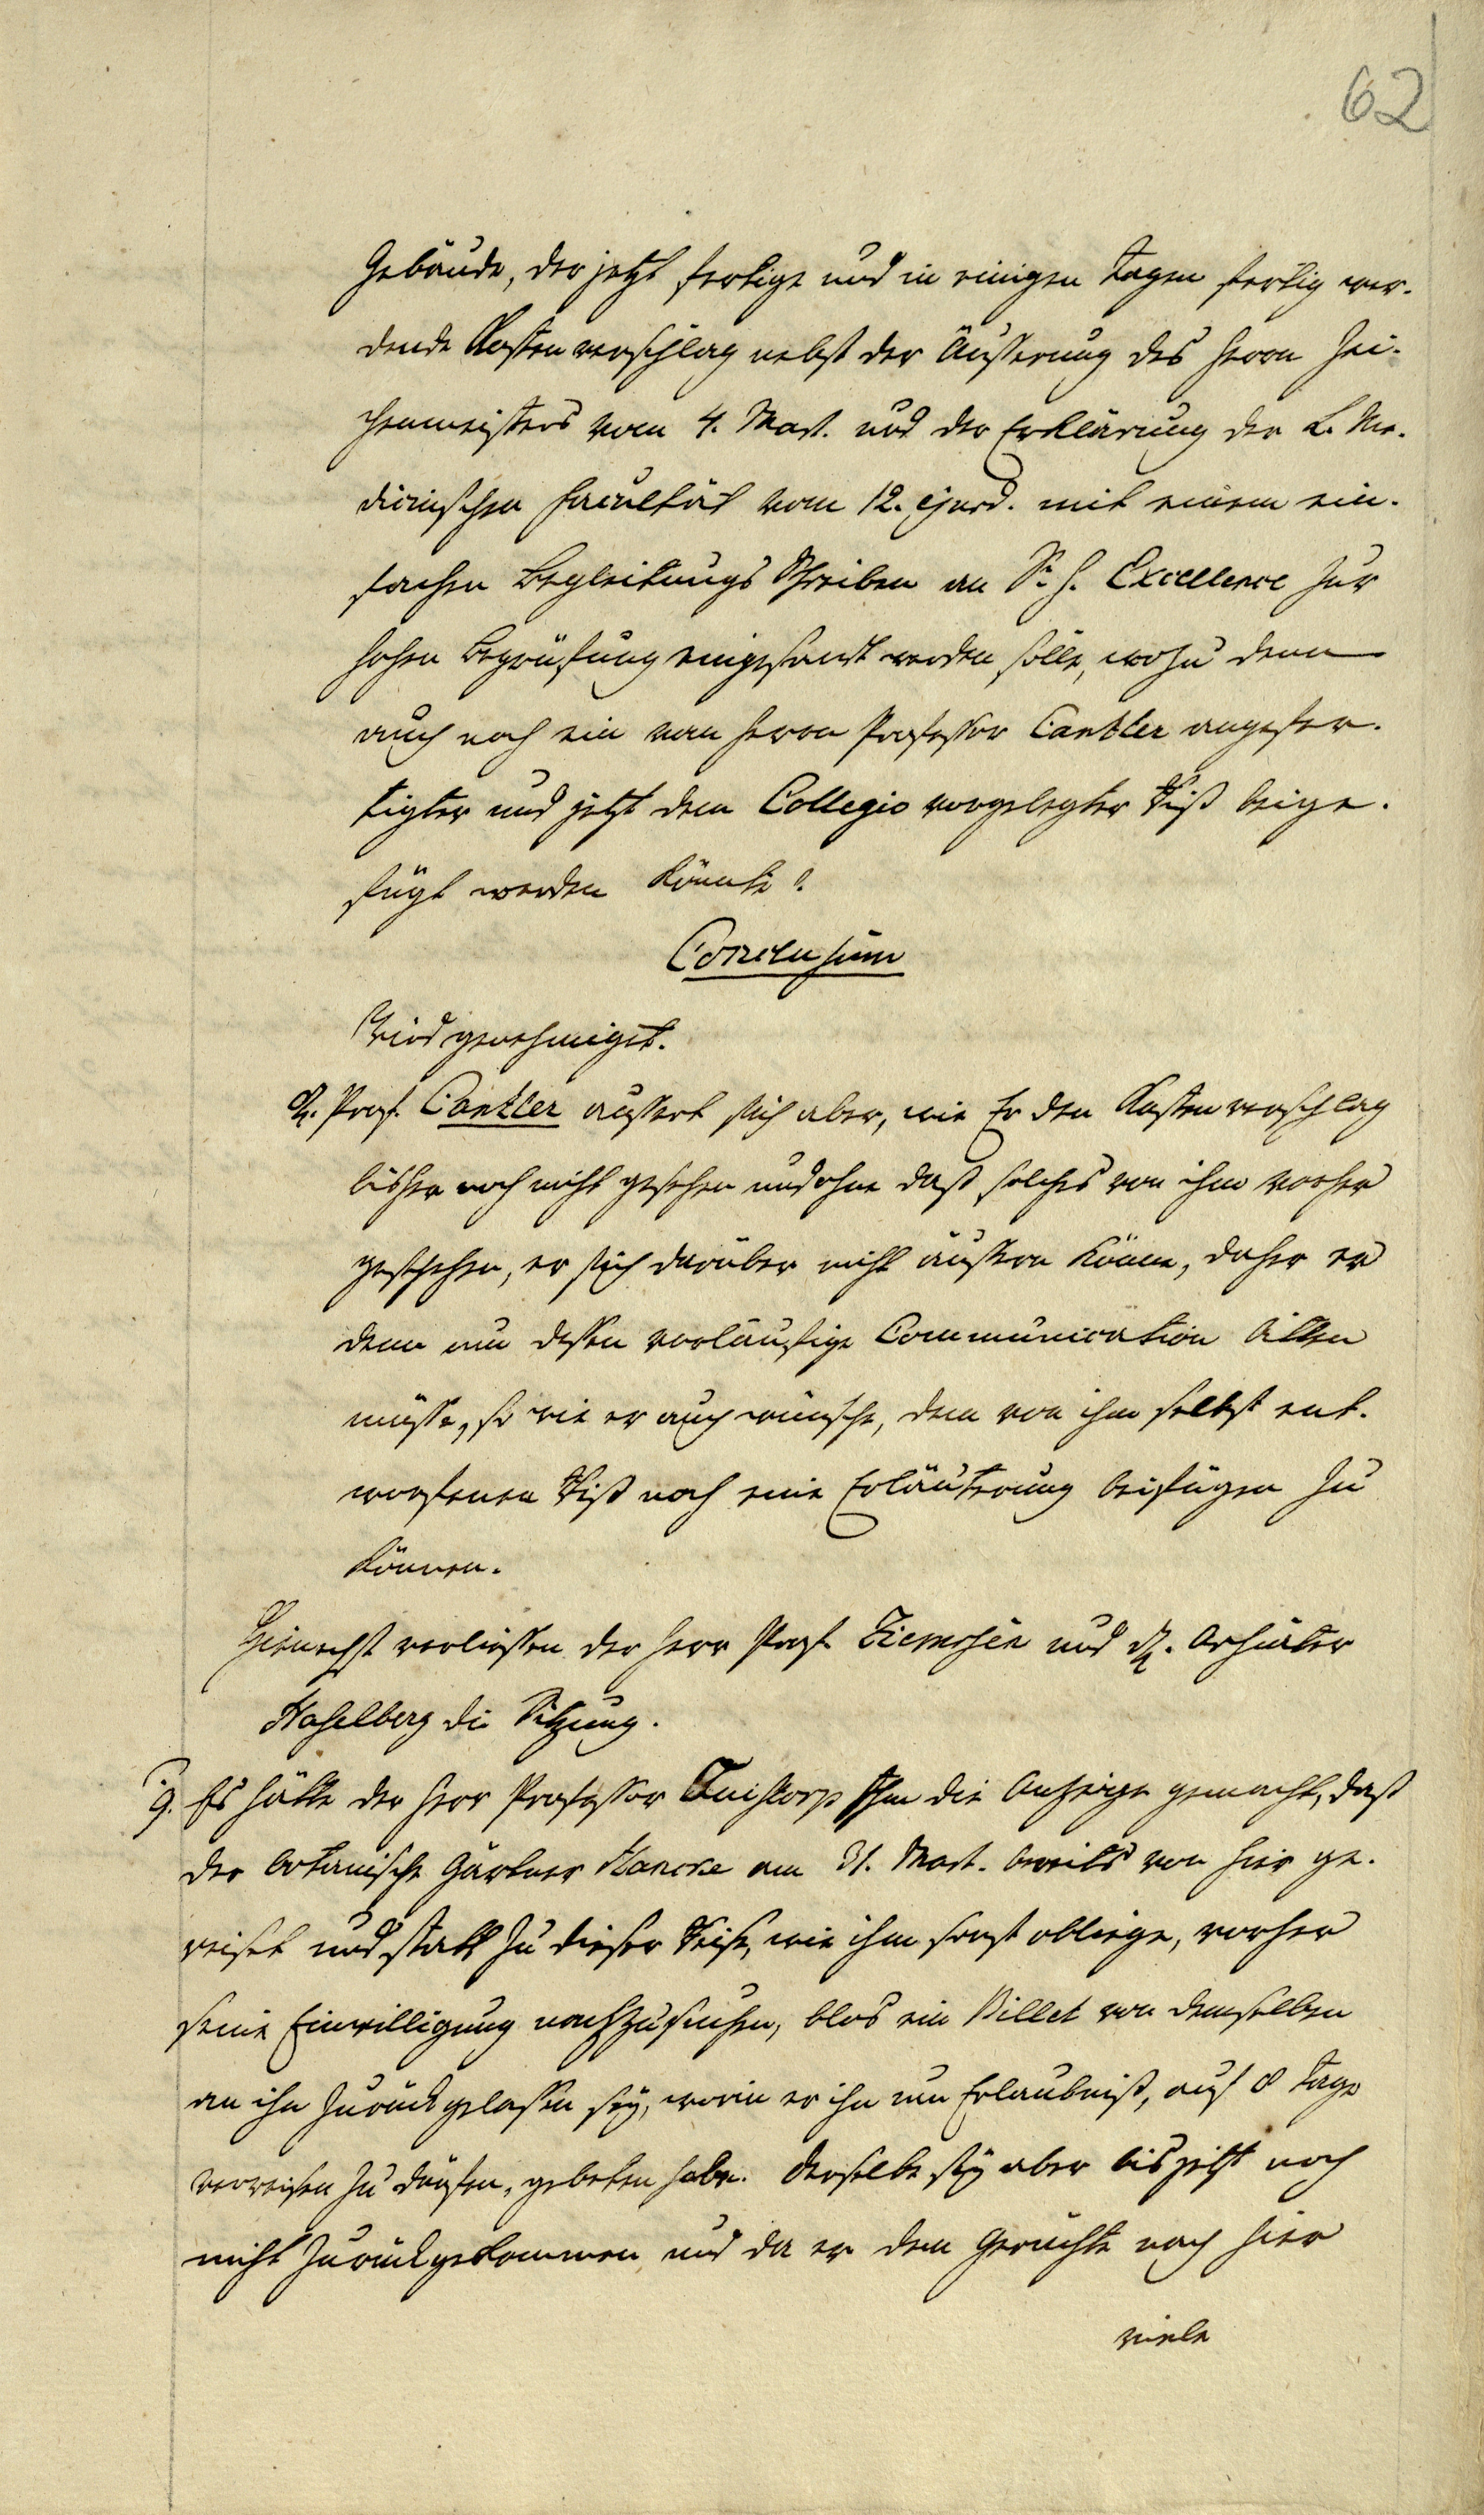Gebäude, der jetzt fertige und in einigen Tagen fertig wer¬
dende Kostenverschlag nebst der Äusserung des Herrn Zei¬
chenmeisters vom 4. Mart. und der Erklärung der L. Me¬
dicinischen Facultät vom 12. ejusd. mit einem ein¬
fachen Begleitungs Schreiben an Sr. h. Excellence zur
hohen Beprüfung eingesandt werden solle, wozu denn
auch noch ein von Herrn Professor Canzler angefer¬
tigter und jetzt dem Collegio vorgelegter Riß beige¬
fügt werden könnte?
Conclusum
Wird genehmiget.
dh. Prof. Canzler äussert sich aber, wie Er den Kostenverschlag
bisher noch nicht gesehen und ohne daß solches von ihm vorher
geschehen, er sich darüber nicht äussern könne, daher er
denn um dessen vorläufige Communication bitten
müsse, so wie er auch wünsche, dem von ihm selbst ent¬
worfenen Riß noch eine Erläuterung beifügen zu
können.
Hienechst verliessen der Herr Prof. Ziemssen und dh. Archiater
Haselberg die Sitzung.
9. Es hätte der Herr Professor Quistorp Ihm die Anzeige gemacht, daß
der botanische Gärtner Hancke am 31. Mart. bereits von hier ge¬
reiset und statt zu dieser Reise, wie ihm sonst obliege, vorher
seine Einwilligung nachzusuchen, blos ein Billet von demselben
an ihn zurückgelassen seÿ, worin er ihn um Erlaubniß, auf 8 Tage
verreisen zu dürfen, gebeten habe. Derselbe seÿ aber bis jetzt noch
nicht zurückgekommen und da er dem Gerüchte nach hier
viele